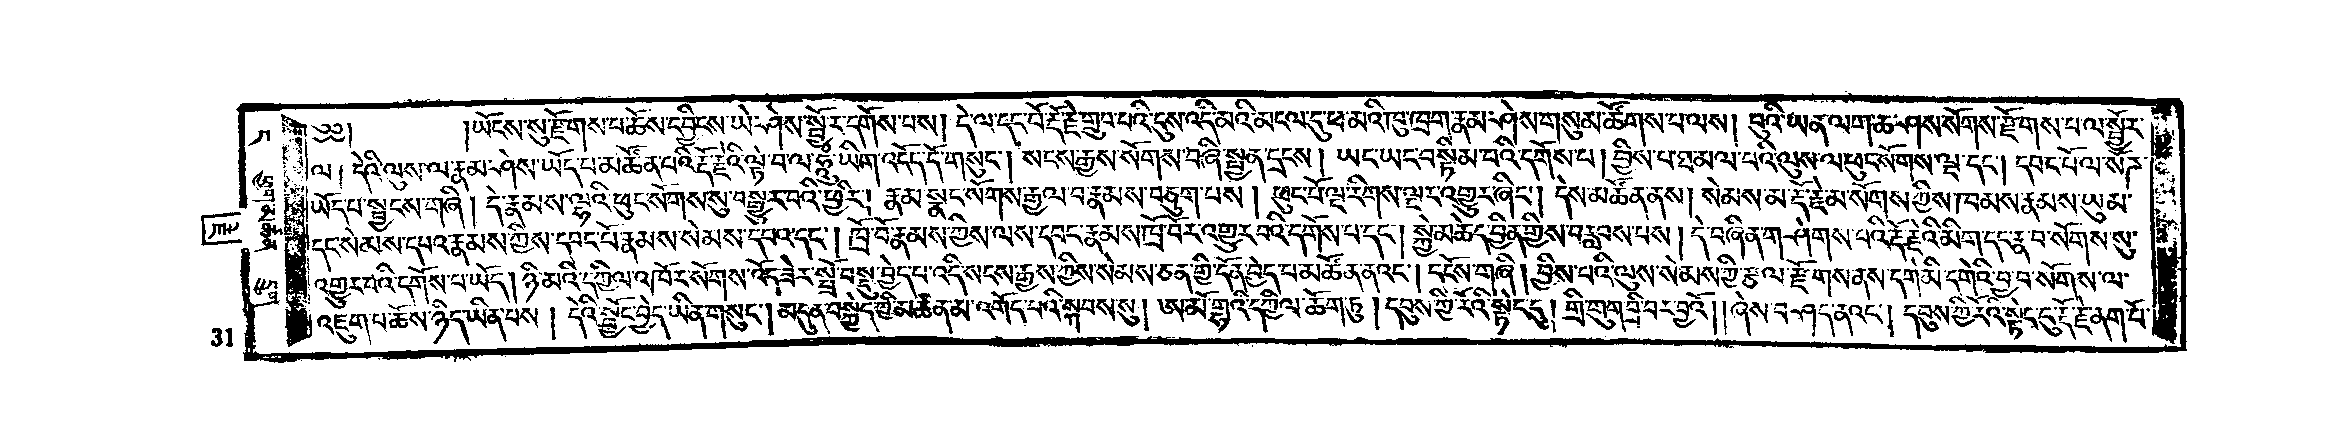༄༅། །ཡོངས་སུ་རྫོགས་པ་ཆོས་དབྱིངས་ཡེ་ཤེས་སྦྱོར་དགོས་པས། དེ་ལ་དང་པོ་རྡོ་རྗེ་གྲུབ་པའི་དུས་འདི་མའི་མངལ་དུ་ཕ་མའི་ཁུ་ཁྲག་རྣམ་ཤེས་གསུམ་ཚོགས་པ་ལས། བུའི་ཡན་ལག་ཆ་ཤས་སོགས་རྫོགས་པ་ལ་སྦྱོར་
ལ། དེའི་ལུས་ལ་རྣམ་ཤེས་ཡོད་པ་མཚོན་པའི་རྡོ་རྗེའི་ལྟེ་བ་ལ་ཧཱུཾ་ཡིག་འདོད་དོ་གསུང་། སངས་རྒྱས་སོགས་བཞི་སྤྱན་དྲངས། ཡང་ཡང་བསྟིམ་པའི་དགོས་པ། བྱིས་པ་ཐ་མལ་པའི་ལུས་ལ་ཕུང་སོགས་ལྔ་དང་། དབང་པོ་ལ་སོགས་
ཡོད་པ་སྦྱངས་གཞི། དེ་རྣམས་ལྷའི་ཕུང་སོགས་སུ་བསྒྱུར་བའི་ཕྱིར། རྣམ་སྣང་སོགས་རྒྱལ་བ་རྣམས་བཅུག་པས། ཕུང་པོ་ལྔ་རིགས་ལྔར་འགྱུར་ཞིང་། དེས་མཚོན་ནས། སེམས་མ་རྡོ་རྗེ་མ་སོགས་ཀྱིས་ཁམས་རྣམས་ཡུམ་
དང་སེམས་དཔའ་རྣམས་ཀྱིས་དབང་པོ་རྣམས་སེམས་དཔའ་དང་། ཁྲོ་བོ་རྣམས་ཀྱིས་ལས་དབང་རྣམས་ཁྲོ་བོར་འགྱུར་བའི་དགོས་པ་དང་། སྐྱེ་མཆེད་བྱིན་གྱིས་བརླབས་པས། དེ་བཞིན་གཤེགས་པའི་རྡོ་རྗེའི་མིག་དང་རྣ་བ་སོགས་སུ་
འགྱུར་བའི་དགོས་པ་ཡོད། ཉི་མའི་དཀྱིལ་འཁོར་སོགས་འོད་ཟེར་སྤྲོ་བསྡུ་བྱེད་པ་འདི་སངས་རྒྱས་ཀྱིས་སེམས་ཅན་གྱི་དོན་བྱེད་པ་མཚོན་ནའང་། དངོས་གཞི། བྱིས་པའི་ལུས་སེམས་ཀྱི་རྩལ་རྫོགས་ནས་དགེ་མི་དགེའི་བྱ་བ་སོགས་ལ་
འཇུག་པ་ཆོས་ཉིད་ཡིན་པས། དེའི་སྦྱོང་བྱེད་ཡིན་གསུང་། མདུན་བསྐྱེད་ཀྱི་མཚན་མ་འགོད་པའི་སྐབས་སུ། ཨ་མོ་གྷའི་དཀྱིལ་ཆོག་ཏུ། དབུ་ཀྱི་རོའི་སྟེང་དུ། གྲི་གུག་བྲི་བར་བྱའོ། །ཞེས་བཤད་ནའང་། དབུས་ཀྱི་རོའི་སྟེང་དུ་རྡོ་རྗེ་ནག་པོ་